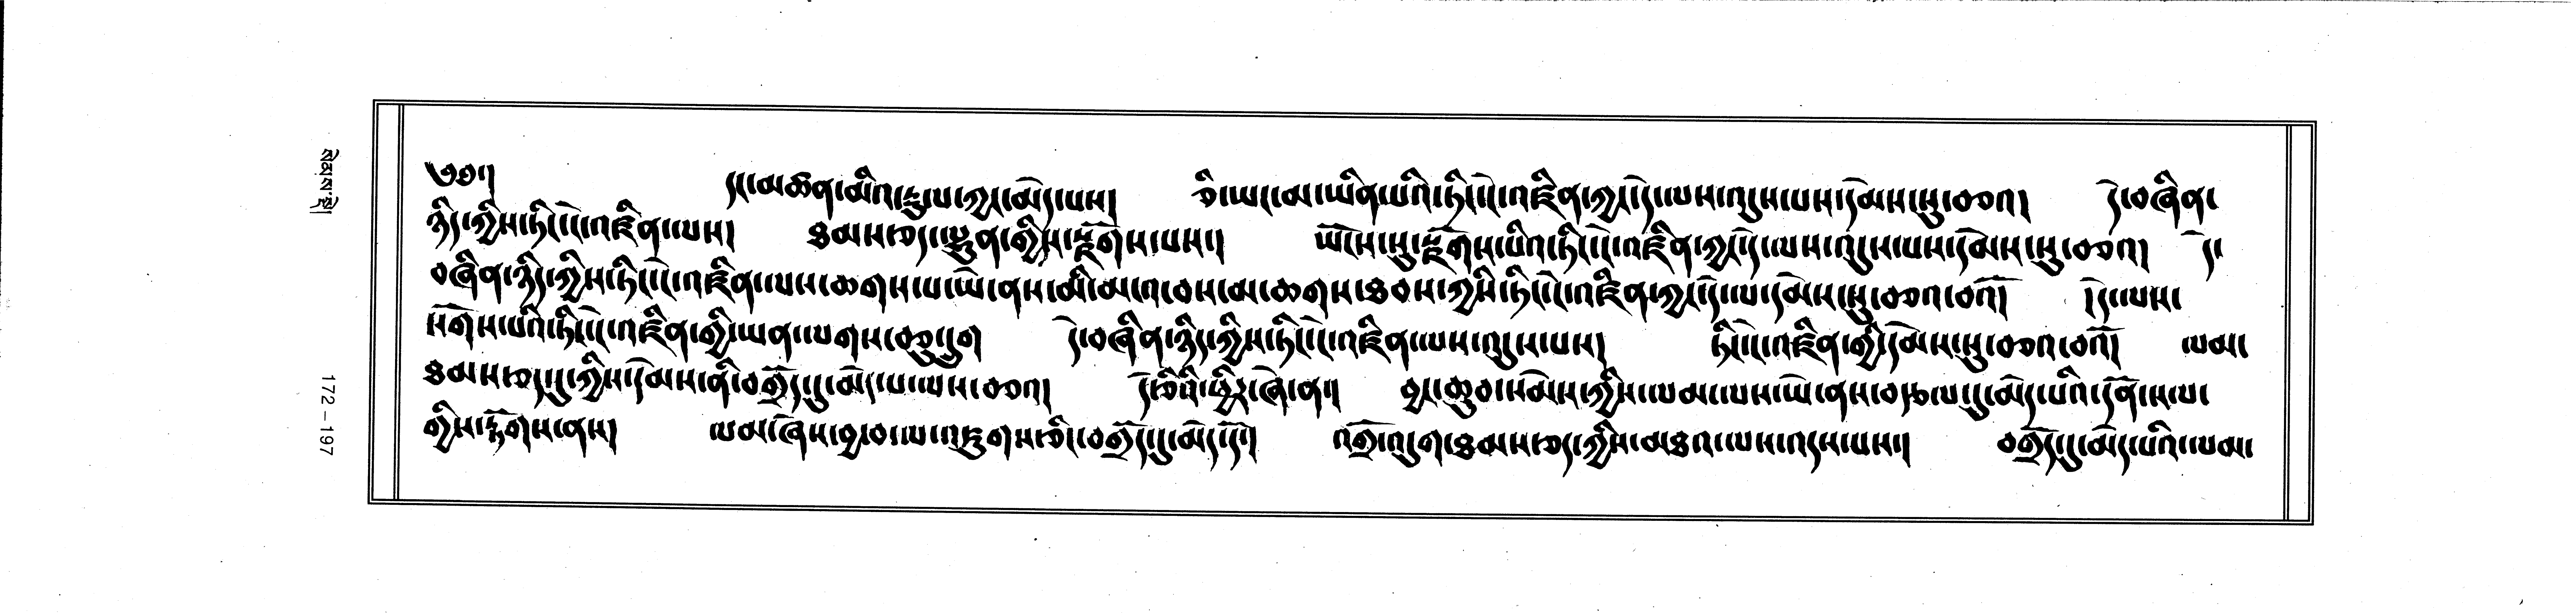དང་མཚན་མའི་རྡུལ་ཀྱང་མེད་པས། ཅི་ཡང་མ་ཡིན་པའི་ཏིང་ངེ་འཛིན་ཀྱང་དེ་ལས་འདུས་པས་དེམས་སུ་བཅའ། དེ་བཞིན་
ཉིད་ཀྱིས་ཏིང་ངེ་འཛིན་ལས། ཐམས་ཅད་ལྷུན་གྱིས་རྫོགས་པས། ཡོངས་སུ་རྫོགས་པའི་ཏིང་ངེ་འཛིན་ཀྱང་དེ་ལས་འདུས་པས་དེམས་སུ་བཅའ། དེ་
བཞིན་ཉིད་ཀྱིས་ཏིང་ངེ་འཛིན་ལས་ཆགས་པ་ཡེ་ནས་མི་མངའ་བས་མ་ཆགས་ཐབས་ཀྱིས་ཏིང་ངེ་འཛིན་ཀྱང་དེ་ལ་དེམས་སུ་བཅའ་བའོ། དེ་ལས་
སོགས་པའི་ཏིང་ངེ་འཛིན་གྱི་ཡན་ལགས་བཅུ་དྲུག དེ་བཞིན་ཉིད་ཀྱིས་ཏིང་ངེ་འཛིན་ལས་འདུས་པས། ཏིང་ངེ་འཛིན་གྱི་དེམས་སུ་བཅའ་བའོ། ལམ་
ཐམས་ཅད་དུ་ཀྱིས་དེམས་ནི་བགྲོད་དུ་མེད་པ་ལས་བཅའ། དེ་ཅིའི་ཕྱིར་ཞེ་ན། བྱང་ཆུབ་སེམས་ཀྱིས་ལམ་ལས་ཡེ་ནས་བརྩལ་དུ་མེད་པའི་དོན་སལ་
གྱིས་རྟོགས་ནས། ལམ་ཞེས་བྱ་བ་ལ་འཇུགས་ཅིང་བགྲོད་དུ་མེད་དོ། འགྲོ་འདུག་ཐམས་ཅད་ཀྱིས་མཐའ་ལས་འདས་པས། བགྲོད་དུ་མེད་པའི་